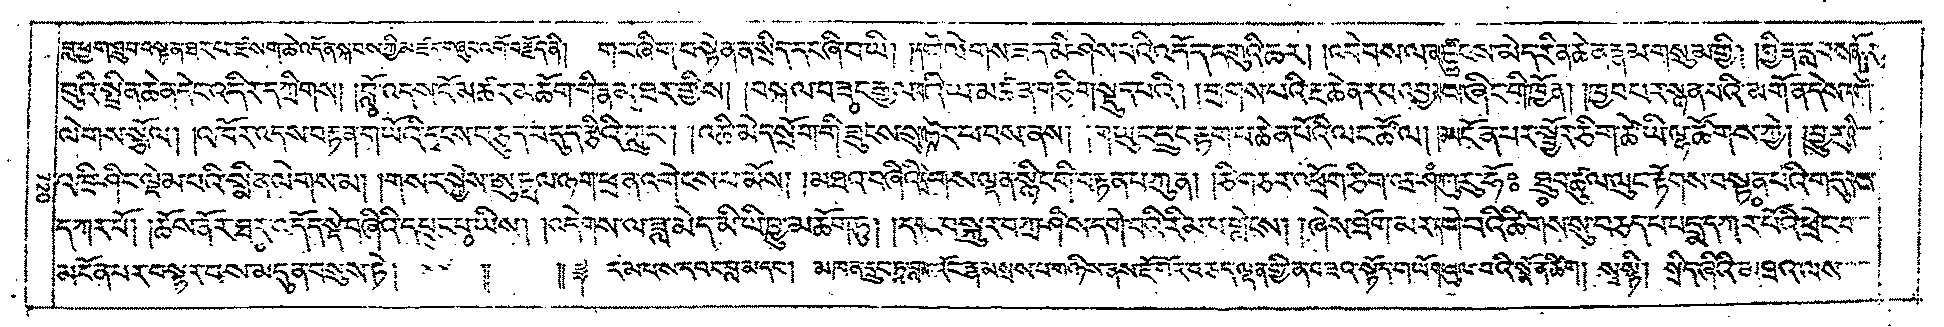བླ་ཕྱག་ཐུབ་བསྟན་ཐར་པ་ཛ་སག་ཆེ་འདོན་སྐབས་ཀྱི་མཛད་གཞུང་འགོ་བརྗོད་ནི། གང་ཞིག་བསྟེན་ན་སྲིད་དང་ཞི་བ་ཡི། །དགེ་ལེགས་ཟད་མི་ཤེས་པའི་འདོད་དགུའི་ཆར། །འབེབས་ལ་མཚུངས་མེད་རིན་ཆེན་རྣམ་གསུམ་གྱི། །བྱིན་རླབས་ནོར་
བུའི་སྤྲིན་ཆེན་དེང་འདིར་དཀྲིགས། །བློ྾་འདས་ངོ་མཚར་མཆོག་གི་རྣམ་ཐར་གྱིས། །བསྐལ་བཟང྾་རྒྱལ་བའི་ཡ་མཚན་གཅིག་སྡུད་པའི། །གྲགས་པའི་རྔ་ཆེན་རབ་འབྱམས་ཞིང་གི་ཁྱོན། །ཁྱབ་པར་སྙན་པའི་མགོན་དེས་དགེ་
ལེགས་སྩོལ། །འཁོར་འདས་བརྟན་གཡོའི་དྭངས་བཅུད་བདུད་རྩིའི་ཀླུང་། །འཆི་མེད་སྲོག་གི་ཟུངས་སུ་ཉེར་ཕབས་ནས། །གཡུང་དྲུང་རྟག་པ་ཆེན་པོའི་ལང་ཚོ་ལ། །མངོན་པར་སྦྱོར་ཅིག་ཚེ་ཡི་ལྷ་ཚོགས་ཀྱེ། །བྱུ་རུའི་
འཁྲི་ཤིང་ལྡེམ་པའི་སྨིན་ལེགས་མ། །གསར་སྐྱེས་ཨུཏྤལ་ཉག་ཕྲན་འགེངས་པ་མོས། །མཐའ་བཞིའི་དྲེགས་ལྡན་སྙིང་གི་བརྟན་པ་ཀུན། །ཅིག་ཅར་འཕྲོག་ཅིག་ཝ་ཤཾ་ཀུ་རུ་ཧོཿ ཐུབ྾་ཚུལ་ལུང་རྟོགས་བསྟན྾་པའི་གདུགས་
དཀར་པོ། །ཆོས་ནོར་ཐར྾་འདོད་སྡེ་བཞིའི་དཔུང་པ྾་ཡིས། །འདེགས་ལ་ཟླ་མེད་མི་ཡི་ཁྱུ་མཆོག་ཏུ། །དབང་བསྐུར་བཀྲ་ཤིས་དགེ་བའི་རིམ་པ་གླེངས། །ཞེས་ཐོག་མར་དགེ་བའི་ཚིགས་སུ་བཅད་པ་པདམ་དཀར་པོའི་ཕྲེང་བ་
མངོན་པར་བསྟར་བས་མདུན་བསུས་ཏེ། ྾་྾།། །། ༈ རམ་པས་དབང་བླ་མ་དང་། མཁན་དྲུང་ཏཱ་བླ་མ་རོང་རྣམ་སྲས་པ་གཉིས་ནས་ཇོ་བོར་བཅད་ལྡན་གྱི་ན་བཟའ་སྟོད་གཡོག་ཕུལ་བའི་སྨོན་ཚིག །  སྭ་སྟི། སྲིད་ཞིའི་མཐའ་ལས་